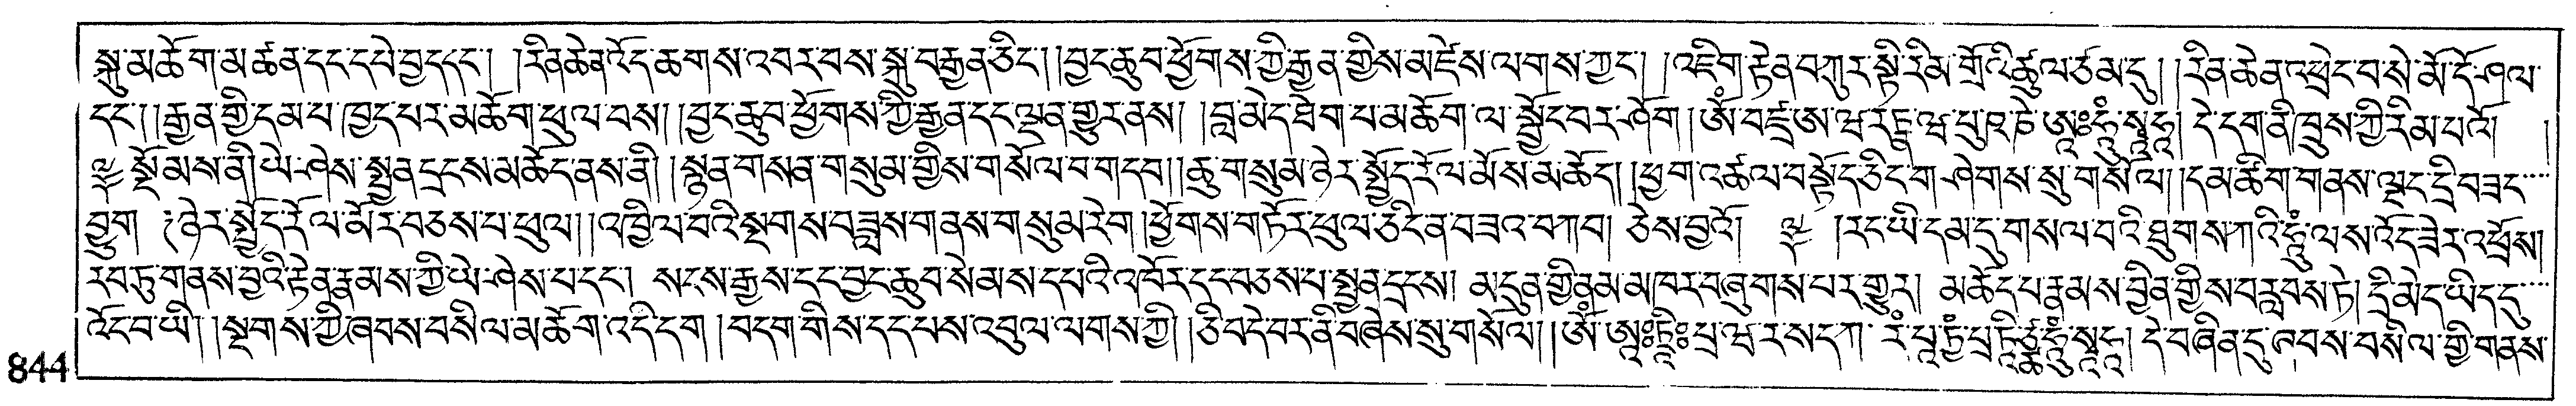སྐུ་མཆོག་མཚན་དང་དཔེ་བྱད་དང་། །རིན་ཆེན་འོད་ཆགས་འབར་བས་སྐུ་བརྒྱན་ཅིང་། །བྱང་ཆུབ་ཕྱོགས་ཀྱི་རྒྱན་གྱིས་མཛེས་ལགས་ཀྱང་། །འཇིག་རྟེན་བཀུར་སྟི་རིམ་གྲོའི་ཚུལ་ཙམ་དུ། །རིན་ཆེན་འཕྲེང་བ་སེ་མོ་དོ་ཤལ་
དང་། །རྒྱན་གྱི་དམ་པ་ཁྱད་པར་མཆོག་ཕུལ་བས། །བྱང་ཆུབ་ཕྱོགས་ཀྱི་རྒྱན་དང་ལྡན་གྱུར་ནས། །བླ་མེད་ཐེག་པ་མཆོག་ལ་སྦྱོང་བར་ཤོག །ཨོཾ་བཛྲ་ཨ་ཝ་རཏྣ་ཝ་པུ་ཥ་ཎེ་ཨཱཿ ཧཱུཾ་སྭཱཧཱ། དེ་དག་ནི་ཁྲུས་ཀྱི་རིམ་པའོ། །
༈ སྡོམས་ནི། ཡེ་ཤེས་སྤྱན་དྲངས་མཆོད་ནས་ནི། །སྙན་གསན་གསུམ་གྱིས་གསོལ་བ་གདབ། །ཆུ་གསུམ་ཉེར་སྤྱོད་རོལ་མོས་མཆོད། །ཕྱག་འཚལ་བསྟོད་ཅིང་གཤེགས་སུ་གསོལ། །དམ་ཚིག་གནས་ལྡང་དྲི་བཟང་
བྱུག ༑ཉེར་སྤྱོད་རོལ་མོར་བཅས་པ་ཕུལ། །འཁྱིལ་བའི་སྔགས་བཟླས་གནས་གསུམ་རེག །ཕྱོགས་གཏོར་ཕུལ་ཅིང་ན་བཟའ་བཀབ། ཅེས་བྱའོ། ༈ །རང་ཡི་དམ་དུ་གསལ་བའི་ཐུགས་ཀའི་ཧཱུཾ་ལས་འོད་ཟེར་འཕྲོས།
རབ་ཏུ་གནས་བྱའི་རྟེན་རྣམས་ཀྱི་ཡེ་ཤེས་པ་དང་། སངས་རྒྱས་དང་བྱང་ཆུབ་སེམས་དཔའི་འཁོར་དང་བཅས་པ་སྤྱན་དྲངས། མདུན་གྱི་ནམ་མཁར་བཞུགས་པར་གྱུར། མཆོད་པ་རྣམས་བྱིན་གྱིས་བརླབས་ཏེ། དྲི་མེད་ཡིད་དུ་
འོང་བ་ཡི། །སྔགས་ཀྱི་ཞབས་བསིལ་མཆོག་འདི་དག །བདག་གིས་དད་པས་འབུལ་ལགས་ཀྱི། །ཅི་བདེ་བར་ནི་བཞེས་སུ་གསོལ། །ཨོཾ་ཨཱཿ ཏྲཱིཿ པྲ་ཝ་ར་སད་ཀ་རཾ་པཱ་ཏྱཾ་པྲ་ཏཱི་ཙྪ་ཧཱུཾ་སྭཱཧཱ། དེ་བཞིན་དུ་ཞབས་བསིལ་གྱི་གནས་